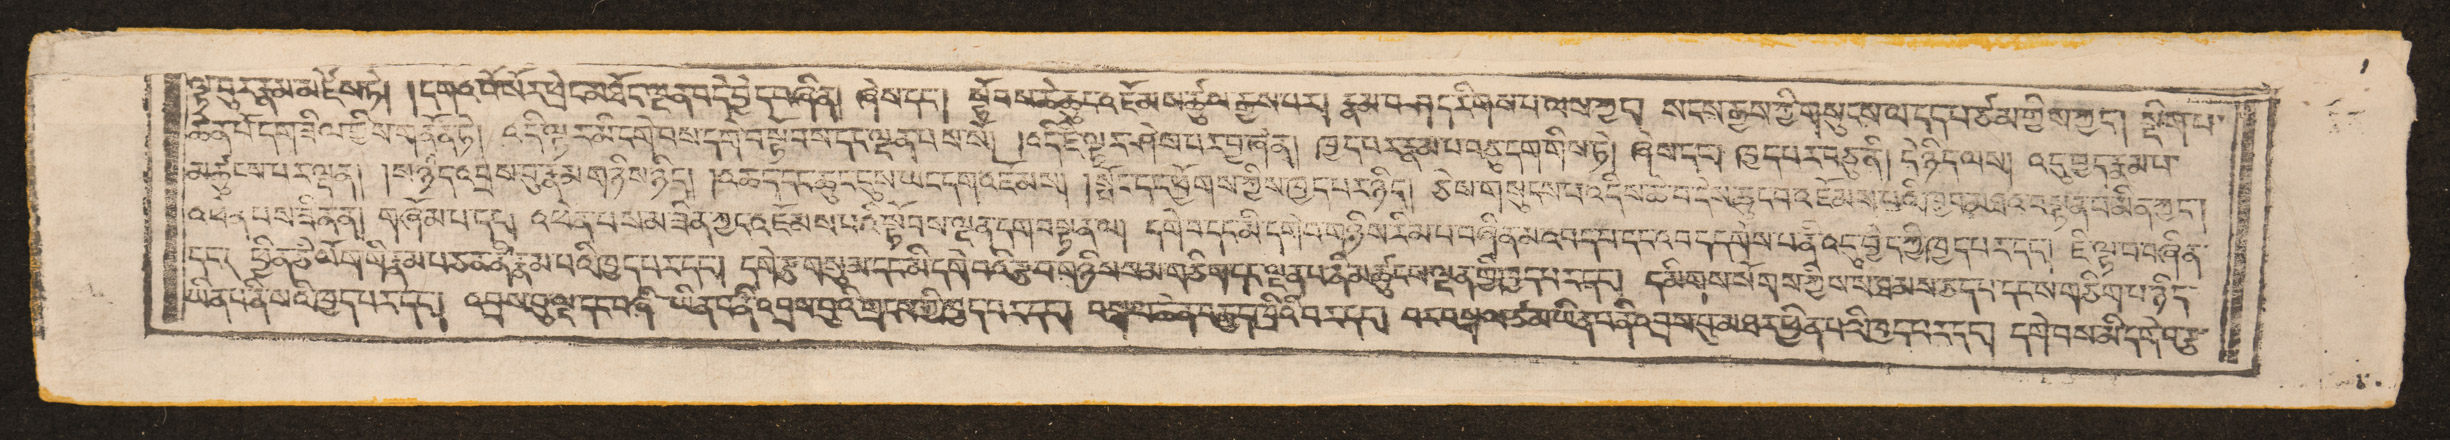ལྟ་བུར་རྣམ་མཛེས་ཏེ། །དགའ་བོ་སོར་ཕྲེང་མཐོང་ལྡན་བདེ་བྱེད་བཞིན། ཞེས་དང་། སྟོབས་ཆེ་ཆུང་འཇོམས་ཚུལ་རྒྱས་པར། རྣམ་བཤད་རིགས་པ་ལས་ཀྱང་། སངས་རྒྱས་ཀྱི་གསུངས་ལ་དད་པ་ཙམ་གྱིས་ཀྱང་། སྡིག་པ་
ཆེན་པོ་དག་ཟིལ་གྱིས་གནོན་ཏེ། འདི་ལྟར་མི་དགེ་བས་དགེ་བ་སྟོབས་དང་ལྡན་པས་སོ། །འདི་ཇི་ལྟར་ཤེས་པར་བྱ་ཞེ་ན། ཁྱད་པར་རྣམ་པ་བཅུ་དག་གིས་ཏེ། ཞེས་དང་། ཁྱད་པར་བཅུ་ནི། དེ་ཉིད་ལས། འདུ་བྱད་རྣམ་པ་
མཚུངས་པར་ལྡན། །ས་ཉིད་འབྲས་བུ་རྣམ་གཉིས་ཉིད། །འཆད་དང་ཆུང་ངུས་ཡང་དག་འཇོམས། །སྤོང་དང་ཕྱོགས་ཀྱིས་ཁྱད་པར་ཉིད། ཅེས་གསུངས་པ་འདིས་ཆེ་བ་དེས་ཆུང་བ་འཇོམས་པའི་ཁྱབ་མཐའ་བསྟན་པ་མིན་ཀྱང་།
འཕེན་པས་ཟིན་ན། གཞོམ་པ་དང་། འཕེན་པས་མ་ཟིན་ཀྱང་འཇོམས་པའི་སྟོབས་ལྡན་དག་བསྟན་ལ། དགེ་བ་དང་མི་དགེ་བ་གཉིས་རིམ་པ་བཞིན་མ་འབད་པ་དང་འབད་དགོས་པ་ནི་འདུ་བྱེད་ཀྱི་ཁྱད་པར་དང་། ཇི་ལྟ་བ་བཞིན་
དང༑ ཕྱིན་ཅི་ལོག་གི་རྣམ་པ་ཅན་ནི་རྣམ་པའི་ཁྱད་པར་དང་། དགེ་རྩ་གསུམ་དང་མི་དགེ་བའི་རྩ་བ་གཉིས་སམ་གཅིག་དང་ལྡན་པ་ནི་མཚུངས་ལྡན་གྱི་ཁྱད་པར་དང་། དམིགས་སོགས་ཀྱིས་ས་ཐམས་ཅད་པ་དང་ས་གཅིག་པ་ཉིད་
ཡིན་པ་ནི་སའི་ཁྱད་པར་དང་། འབྲས་བུ་ལྔ་དང་བཞི་ཡིན་པ་ནི་འབྲས་བུའི་གྲངས་ཀྱི་ཁྱད་པར་དང་། བསྐལ་ཆེན་བརྒྱད་ཁྲིའི་བར་དང་། བར་བསྐལ་ཙམ་ཡིན་པ་ནི་འབྲས་བུ་མཐར་ཕྱིན་པའི་ཁྱད་པར་དང་། དགེ་བས་མི་དགེ་བ་རྩ་